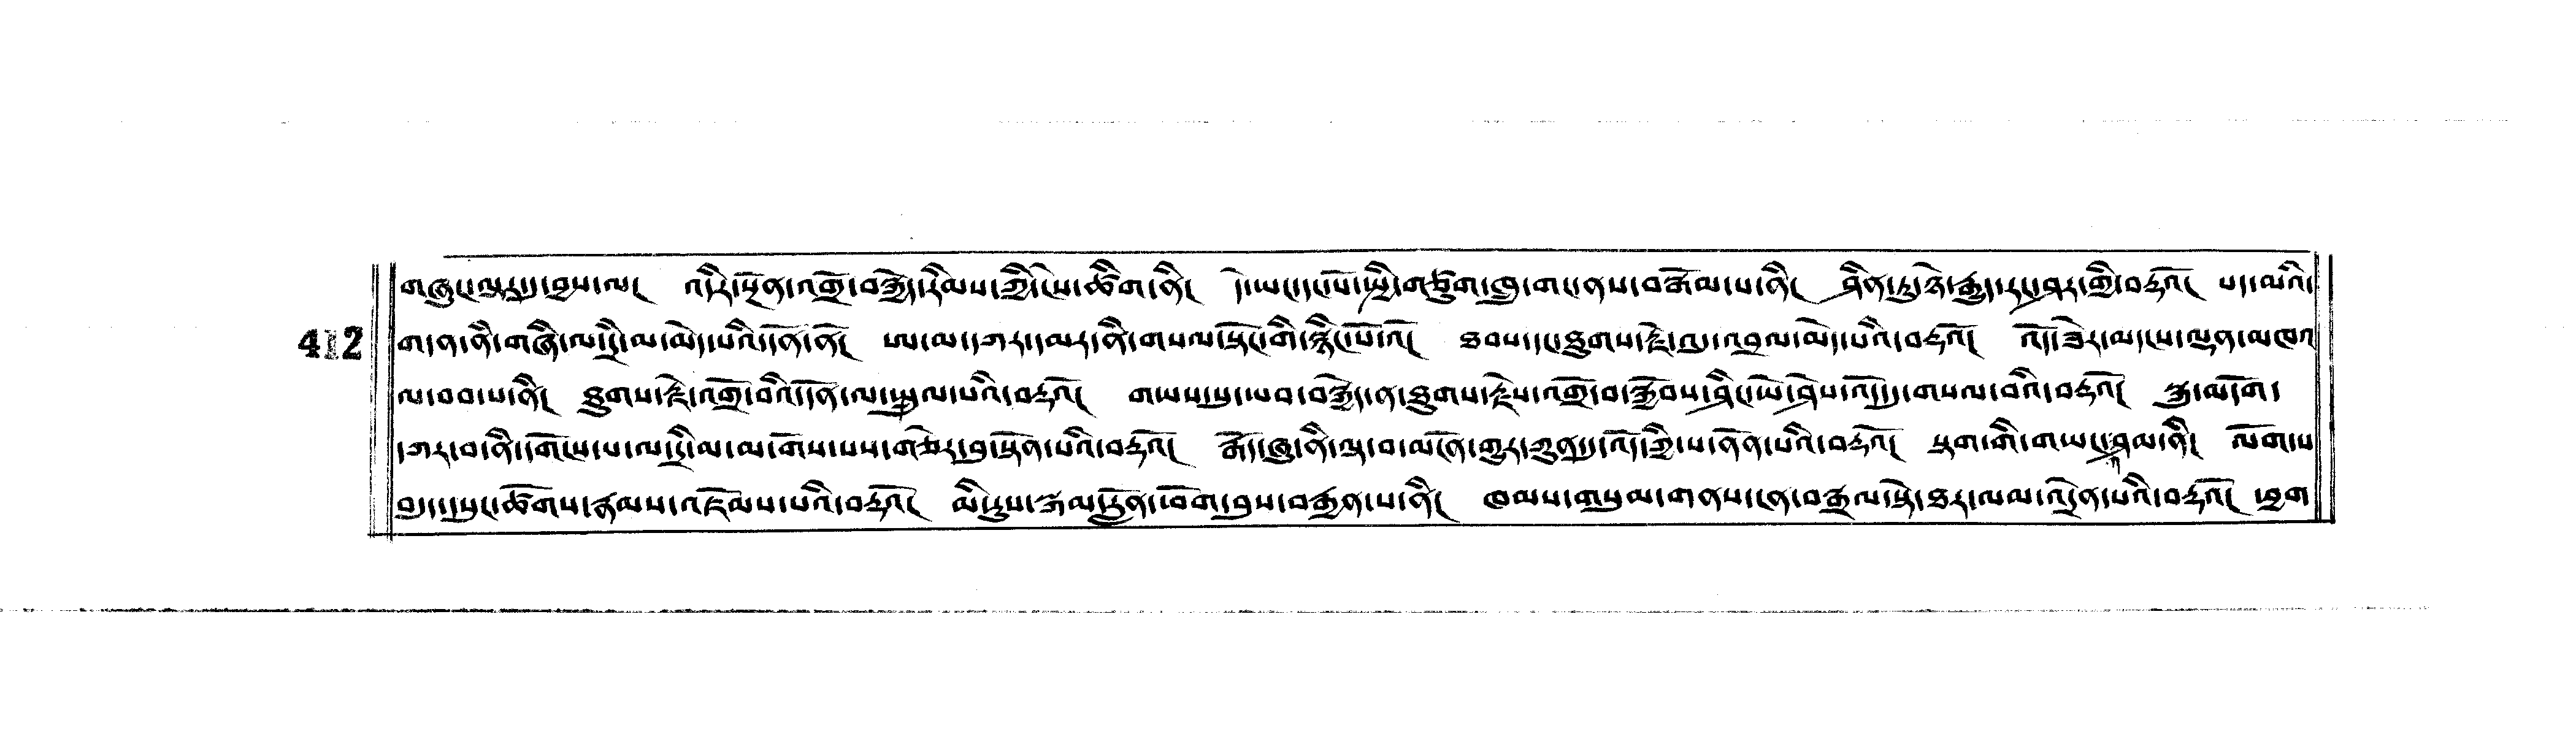གཞུང་ལྟར་དུ་བྱས་ལ། འདིར་སྔོན་འགྲོ་བསྐྱེད་རིམ་གྱི་ངེས་ཚིག་ནི། དེ་ཡང་དང་པོ་སྤྱི་གཙུག་ཁྲུ་གང་ནས་བསྒོམ་པ་ནི། ཤིན་ཏུ་ཉེ་རྒྱུད་རང་ཤར་གྱི་བརྡའོ། པད་མའི་
གདན་ནི་གཞི་ལ་དྲི་མ་མེད་པའི་དོན་ནོ། ཨ་མ་དཀར་དམར་ནི་གསལ་སྟོང་གི་སྙིང་པོའོ། ཐབས་དང་ཐུགས་རྗེ་འདུ་འབྲལ་མེད་པའི་བརྡའོ། འོད་ཟེར་མདངས་ལྡན་མཁའ་
ལ་བབས་པ་ནི། ཐུགས་རྗེ་འགྲོ་བའི་དོན་ལ་སྤྲུལ་པའི་བརྡའོ། གཡས་སུ་ཡབ་བསྐྱེད་ན་ཐུགས་རྗེས་འགྲོ་བ་སྐྱོབས་ཤིང་ཡེ་ཤེས་འོད་དུ་གསལ་བའི་བརྡའོ། སྐུ་མདོག་
དཀར་བ་ནི་དགོངས་པ་ལ་དྲི་མ་མ་གོས་པ་གཅེར་བུ་སྟོན་པའི་བརྡའོ། རྒོད་ཞུ་ནི་ལྟ་བ་མངོན་གྱུར་ཀུན་ཏུ་འོད་ཀྱི་ས་ནོན་པའི་བརྡའོ། སྟག་གི་གཡང་ཤམ་ནི་ལོག་པ་
བདུད་དཔུང་ཚོགས་རྣམས་འཇོམས་པའི་བརྡའོ། མི་རུས་སྐམ་རློན་ཕོག་བུས་བརྒྱན་པ་ནི། ཁམས་གསུམ་གནས་ངན་བསྒྲལ་ནས་ཐར་ལམ་འདྲེན་པའི་བརྡའོ། ཕྱག་